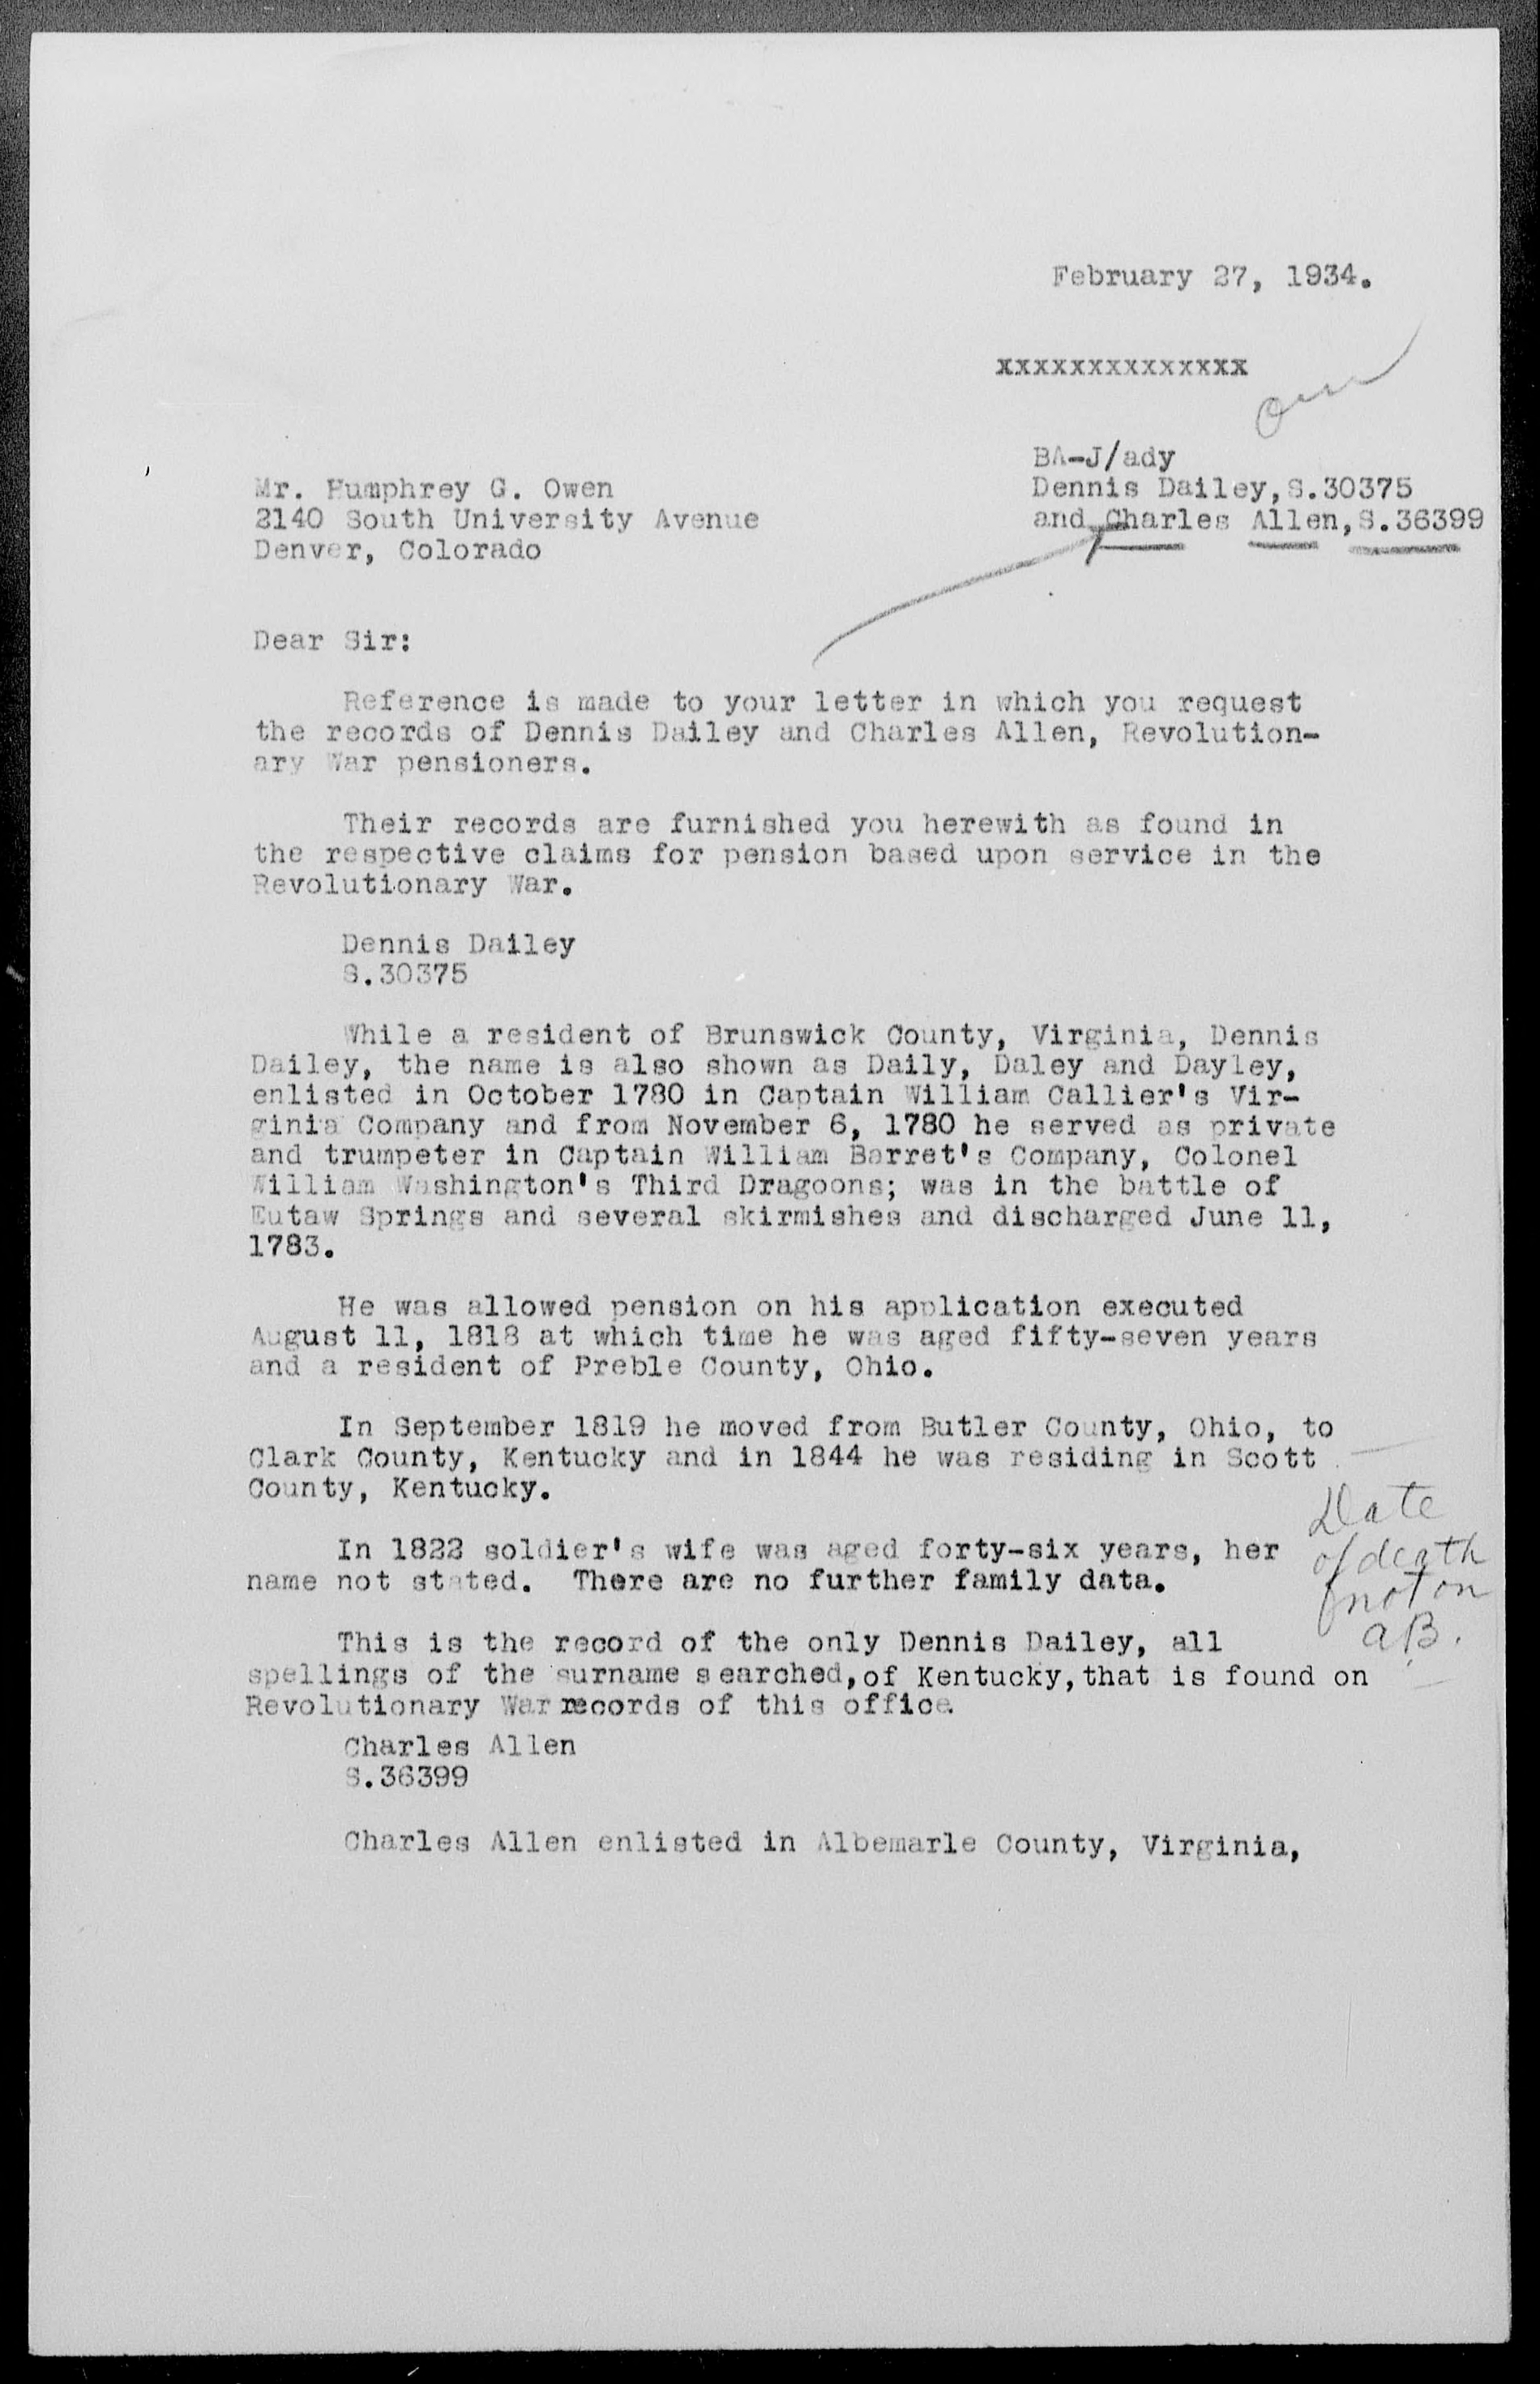February 27, 1934.

Mr. Humphrey G. Owen
2140 South University Avenue
Denver, Colorado

BA-J/ady
Dennis Dailey, S. 30375
and Charles Allen, S. 36399

Dear Sir:
Reference is made to your letter in which you request the records of Dennis Dailey and Charles Allen, Revolutionary War pensioners.

Their records are furnished you herewith as found in the respective claims for pension based upon service in the Revolutionary War.

Dennis Dailey
S.30375

While a resident of Brunswick County, Virginia, Dennis Dailey, the name is also shown as Daily, Daley and Dayley, enlisted in October 1780 in Captain William Callier's Virginia Company and from November 6, 1780 he served as private and trumpeter in Captain William Barret's Company, Colonel William Washington's Third Dragoons; was in the battle of Eutaw Springs and several skirmished and discharged June 11, 1783.

He was allowed pension on his application executed August 11, 1818 at which time he was aged fifty-seven yeard and a resident of Preble County, Ohio.

In September 1819 he moved from Butler County, Ohio, to Clark County, Kentucky and in 1844 he was residing in Scott County, Kentucky.

In 1822 soldier's wife was aged forty-six years, her name not stated. There are no further family data.

This is the record of Dennis Daily, all spellings of the surname searched, of Kentucky, that is found on Revolutionary War records of this office.

Charles Allen
S. 36399

Charles Allen enlisted in Albermarle County, Virginia,

Date of death not on AB.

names: Dennis Dailey, Charles Allen, Charles Allen, Dennis Dayley, Dennis Daily, Dennis Dailey, Charles Allen, Dennis Dailey, Dennis Daley, Dennis Dailey, Dennis Dailey, William Washington, Humphrey G Owen, Charles Allen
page: 12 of 22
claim: survivor's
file: S. 36399, Charles Allen, Va.